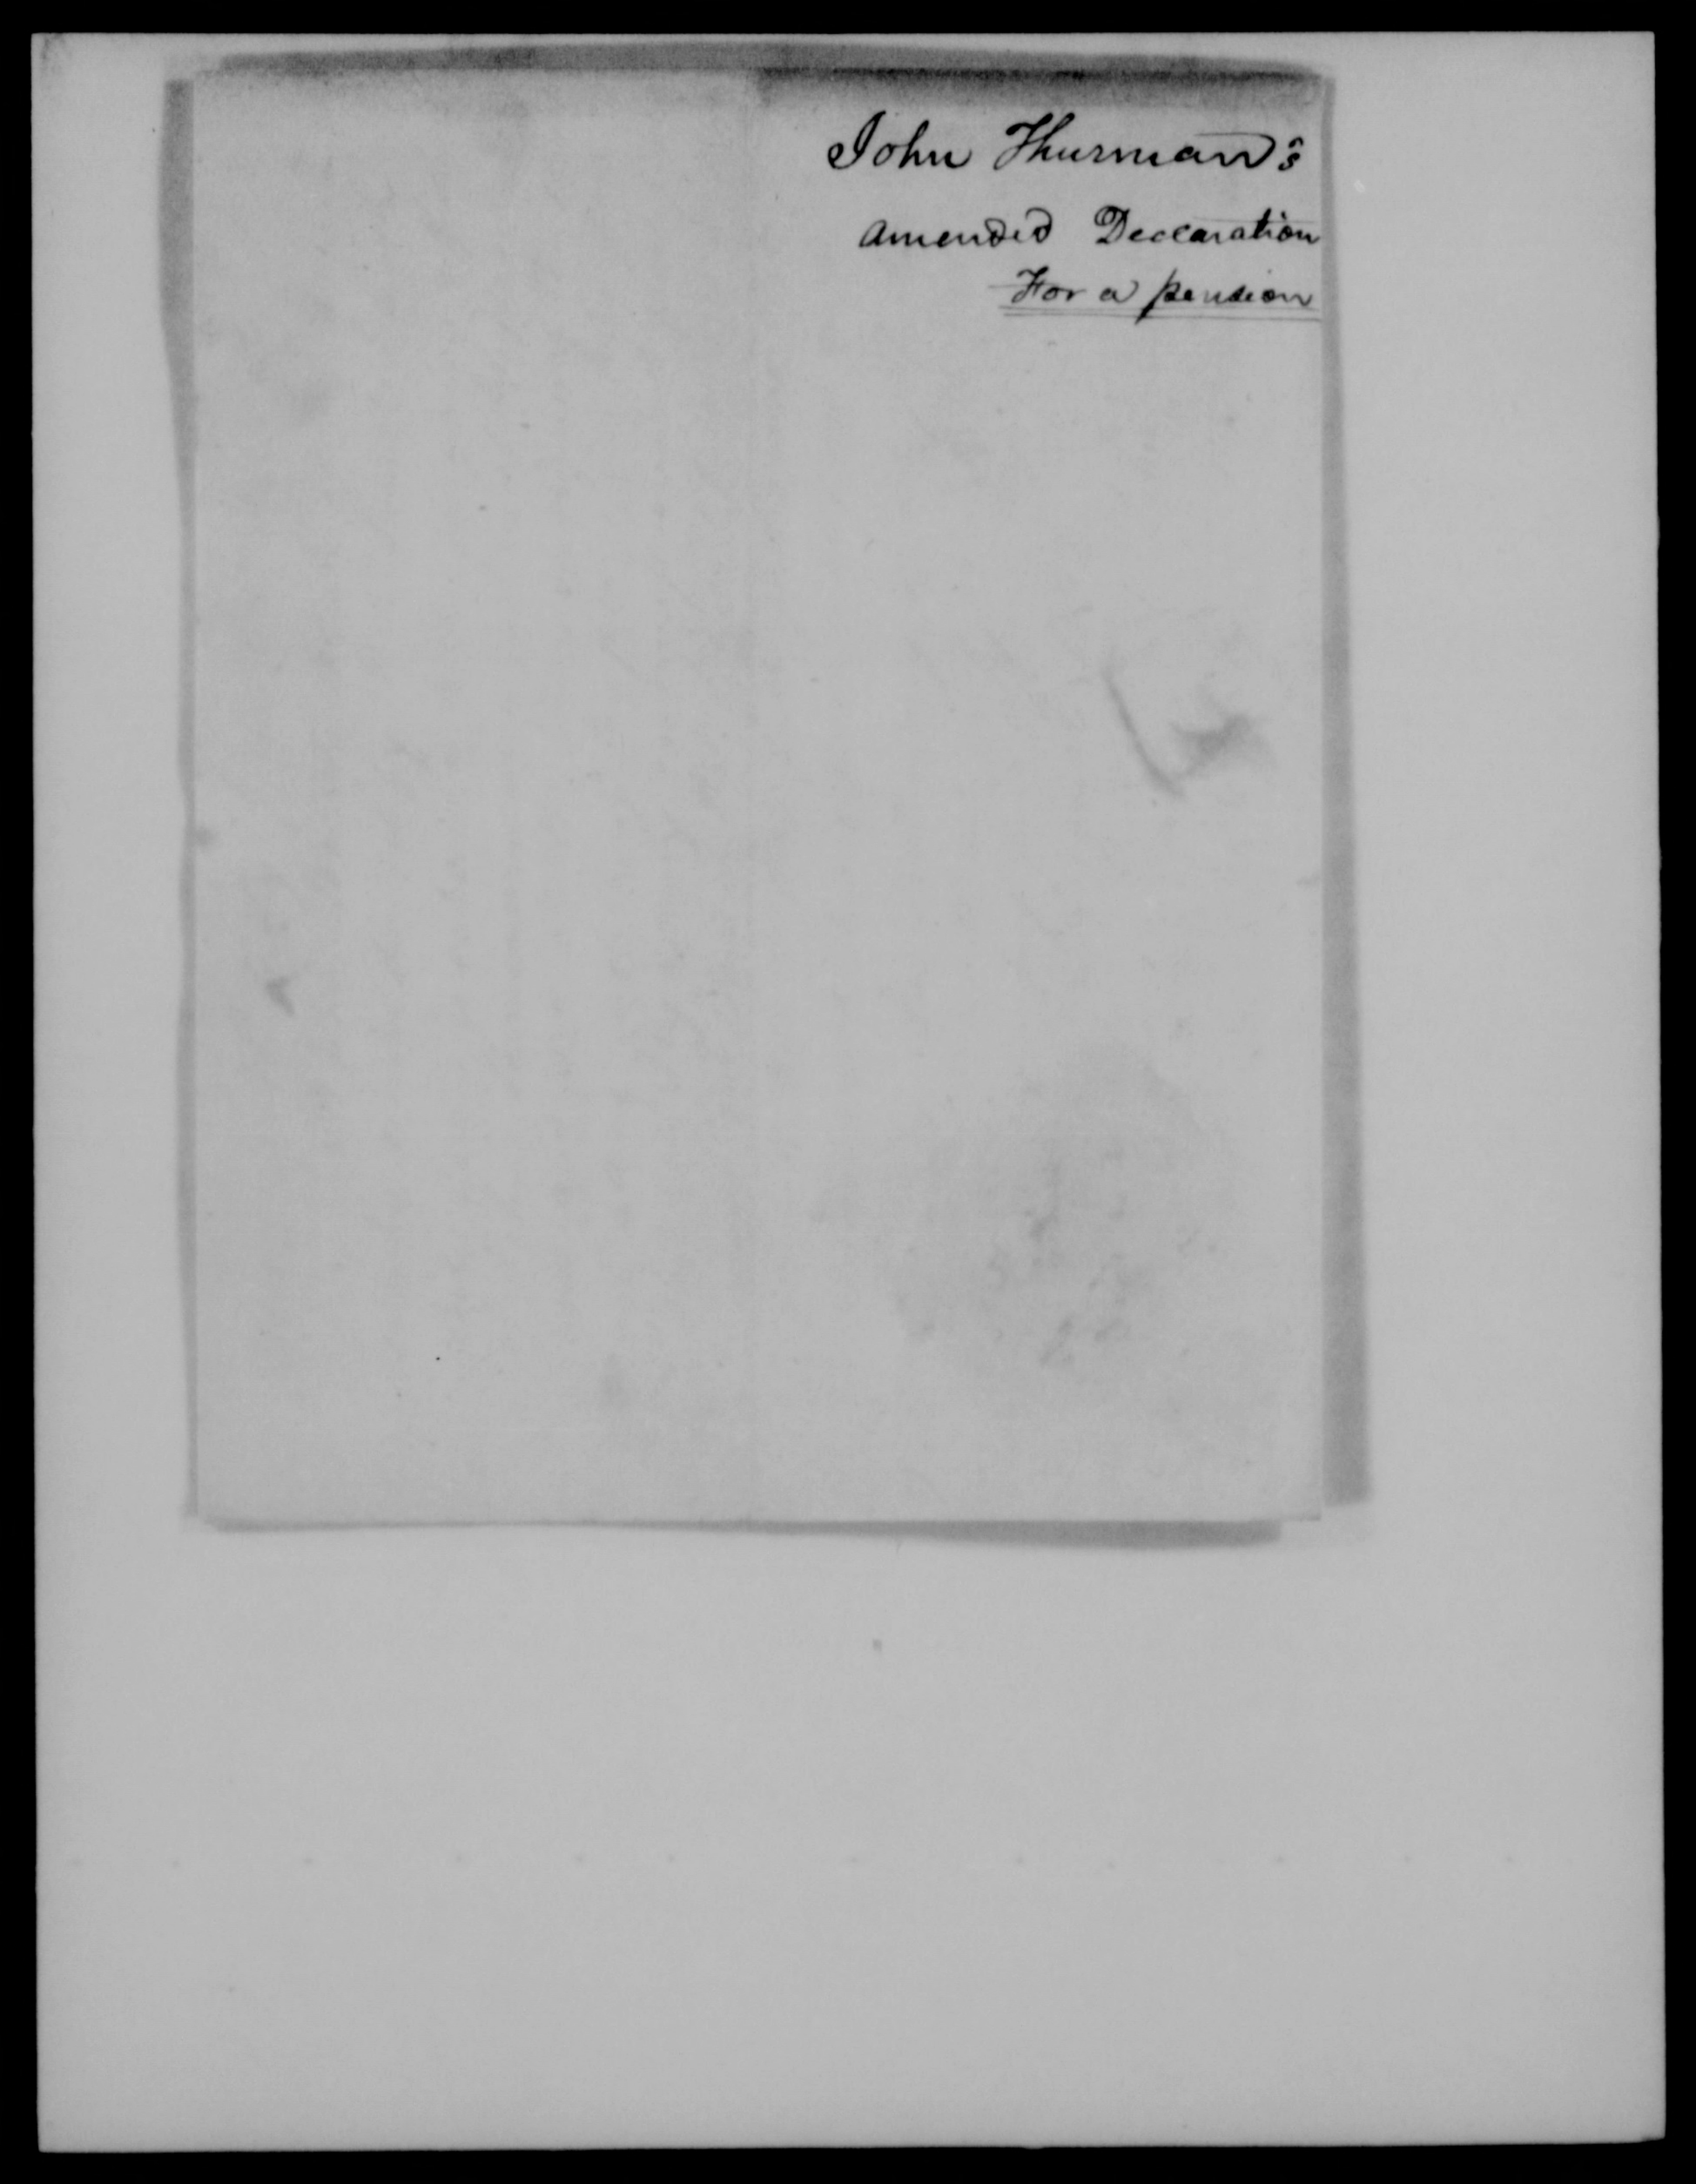John Thurman : Amended Declaration [ For a pension ( underscored ) ]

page: 37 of 53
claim: widow's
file: W. 6,267, for John Thurman, Georgia